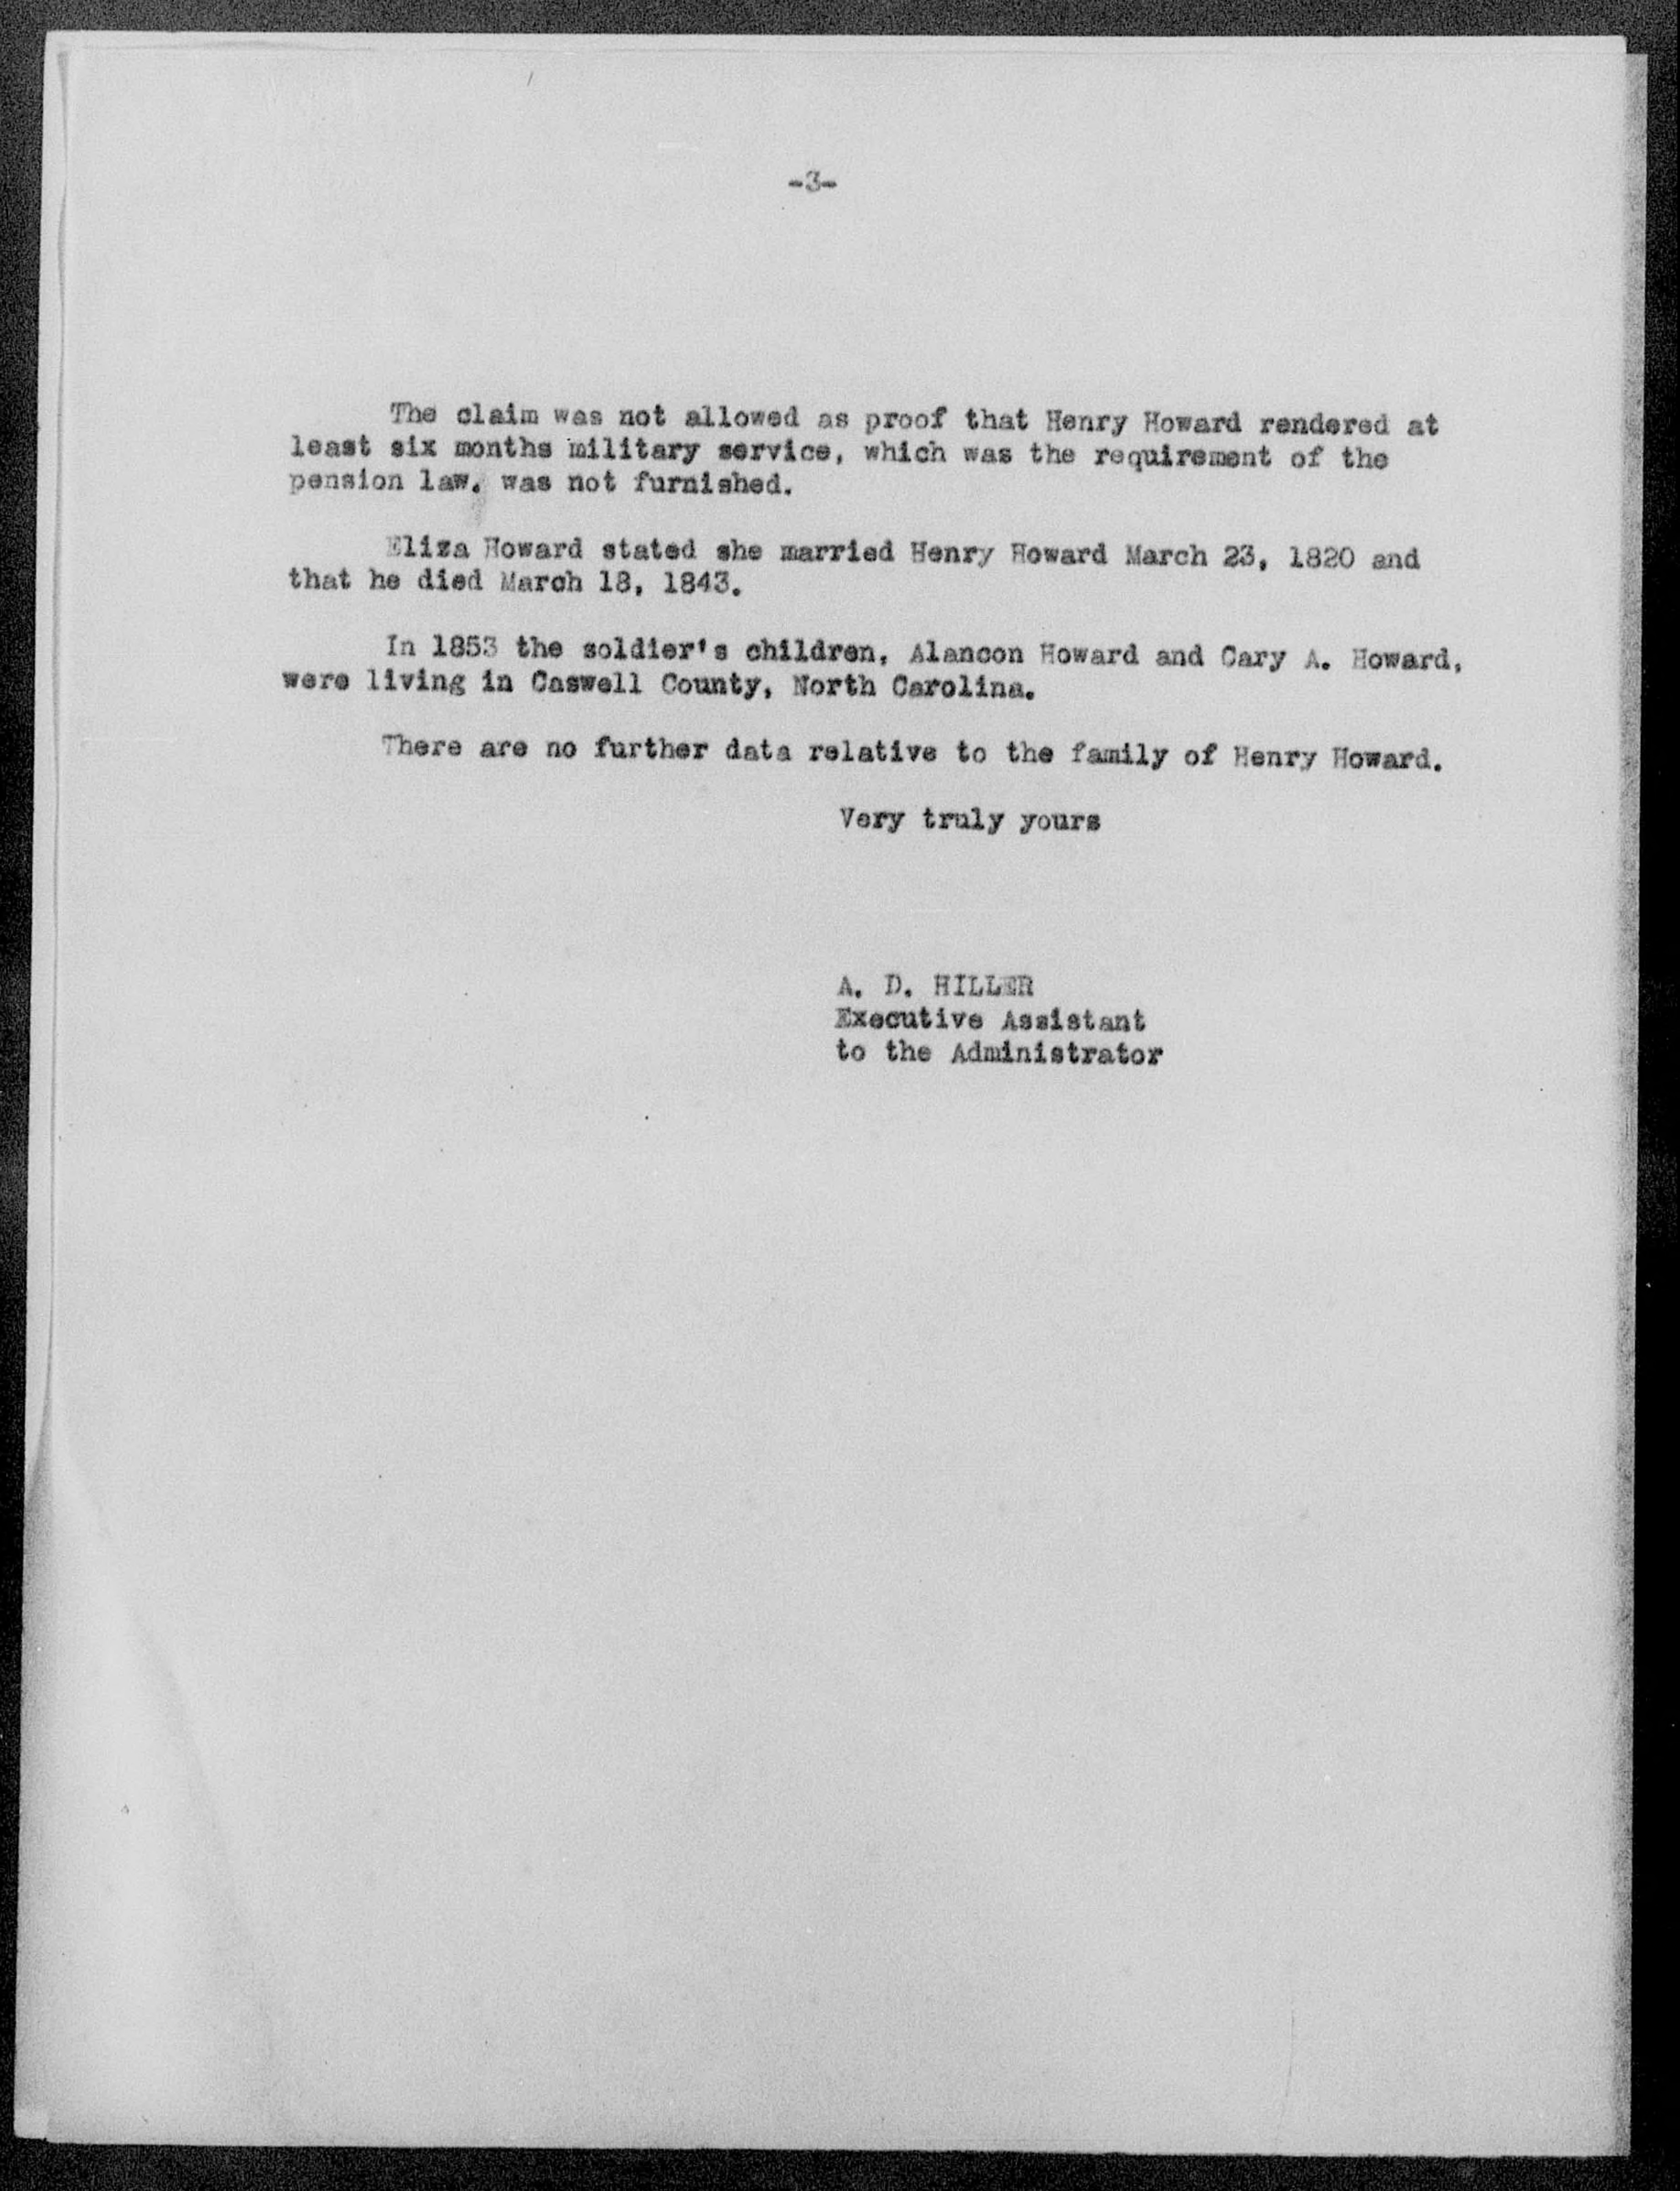-3-

The claim was not allowed as proof that Henry Howard rendered at least six months military service, which was the requirement of the pension law, was not furnished.

Eliza Howard stated she married Henry Howard March 23, 1820 and that he died March 18, 1843.

In 1853 the soldier's children, Alancon Howard and Cary A. Howard were living in Caswell County, North Carolina.

There are no further data relative to the family of Henry Howard.

Very truly yours


A.D. Hiller
Executive assistant to the Administrator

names: Alancon Howard, Eliza Howard, Cary A Howard, Henry Howard, Henry Howard, Henry Howard, A D Hiller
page: 83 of 86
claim: widow's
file: W. 6899, James Carrell, N.C.